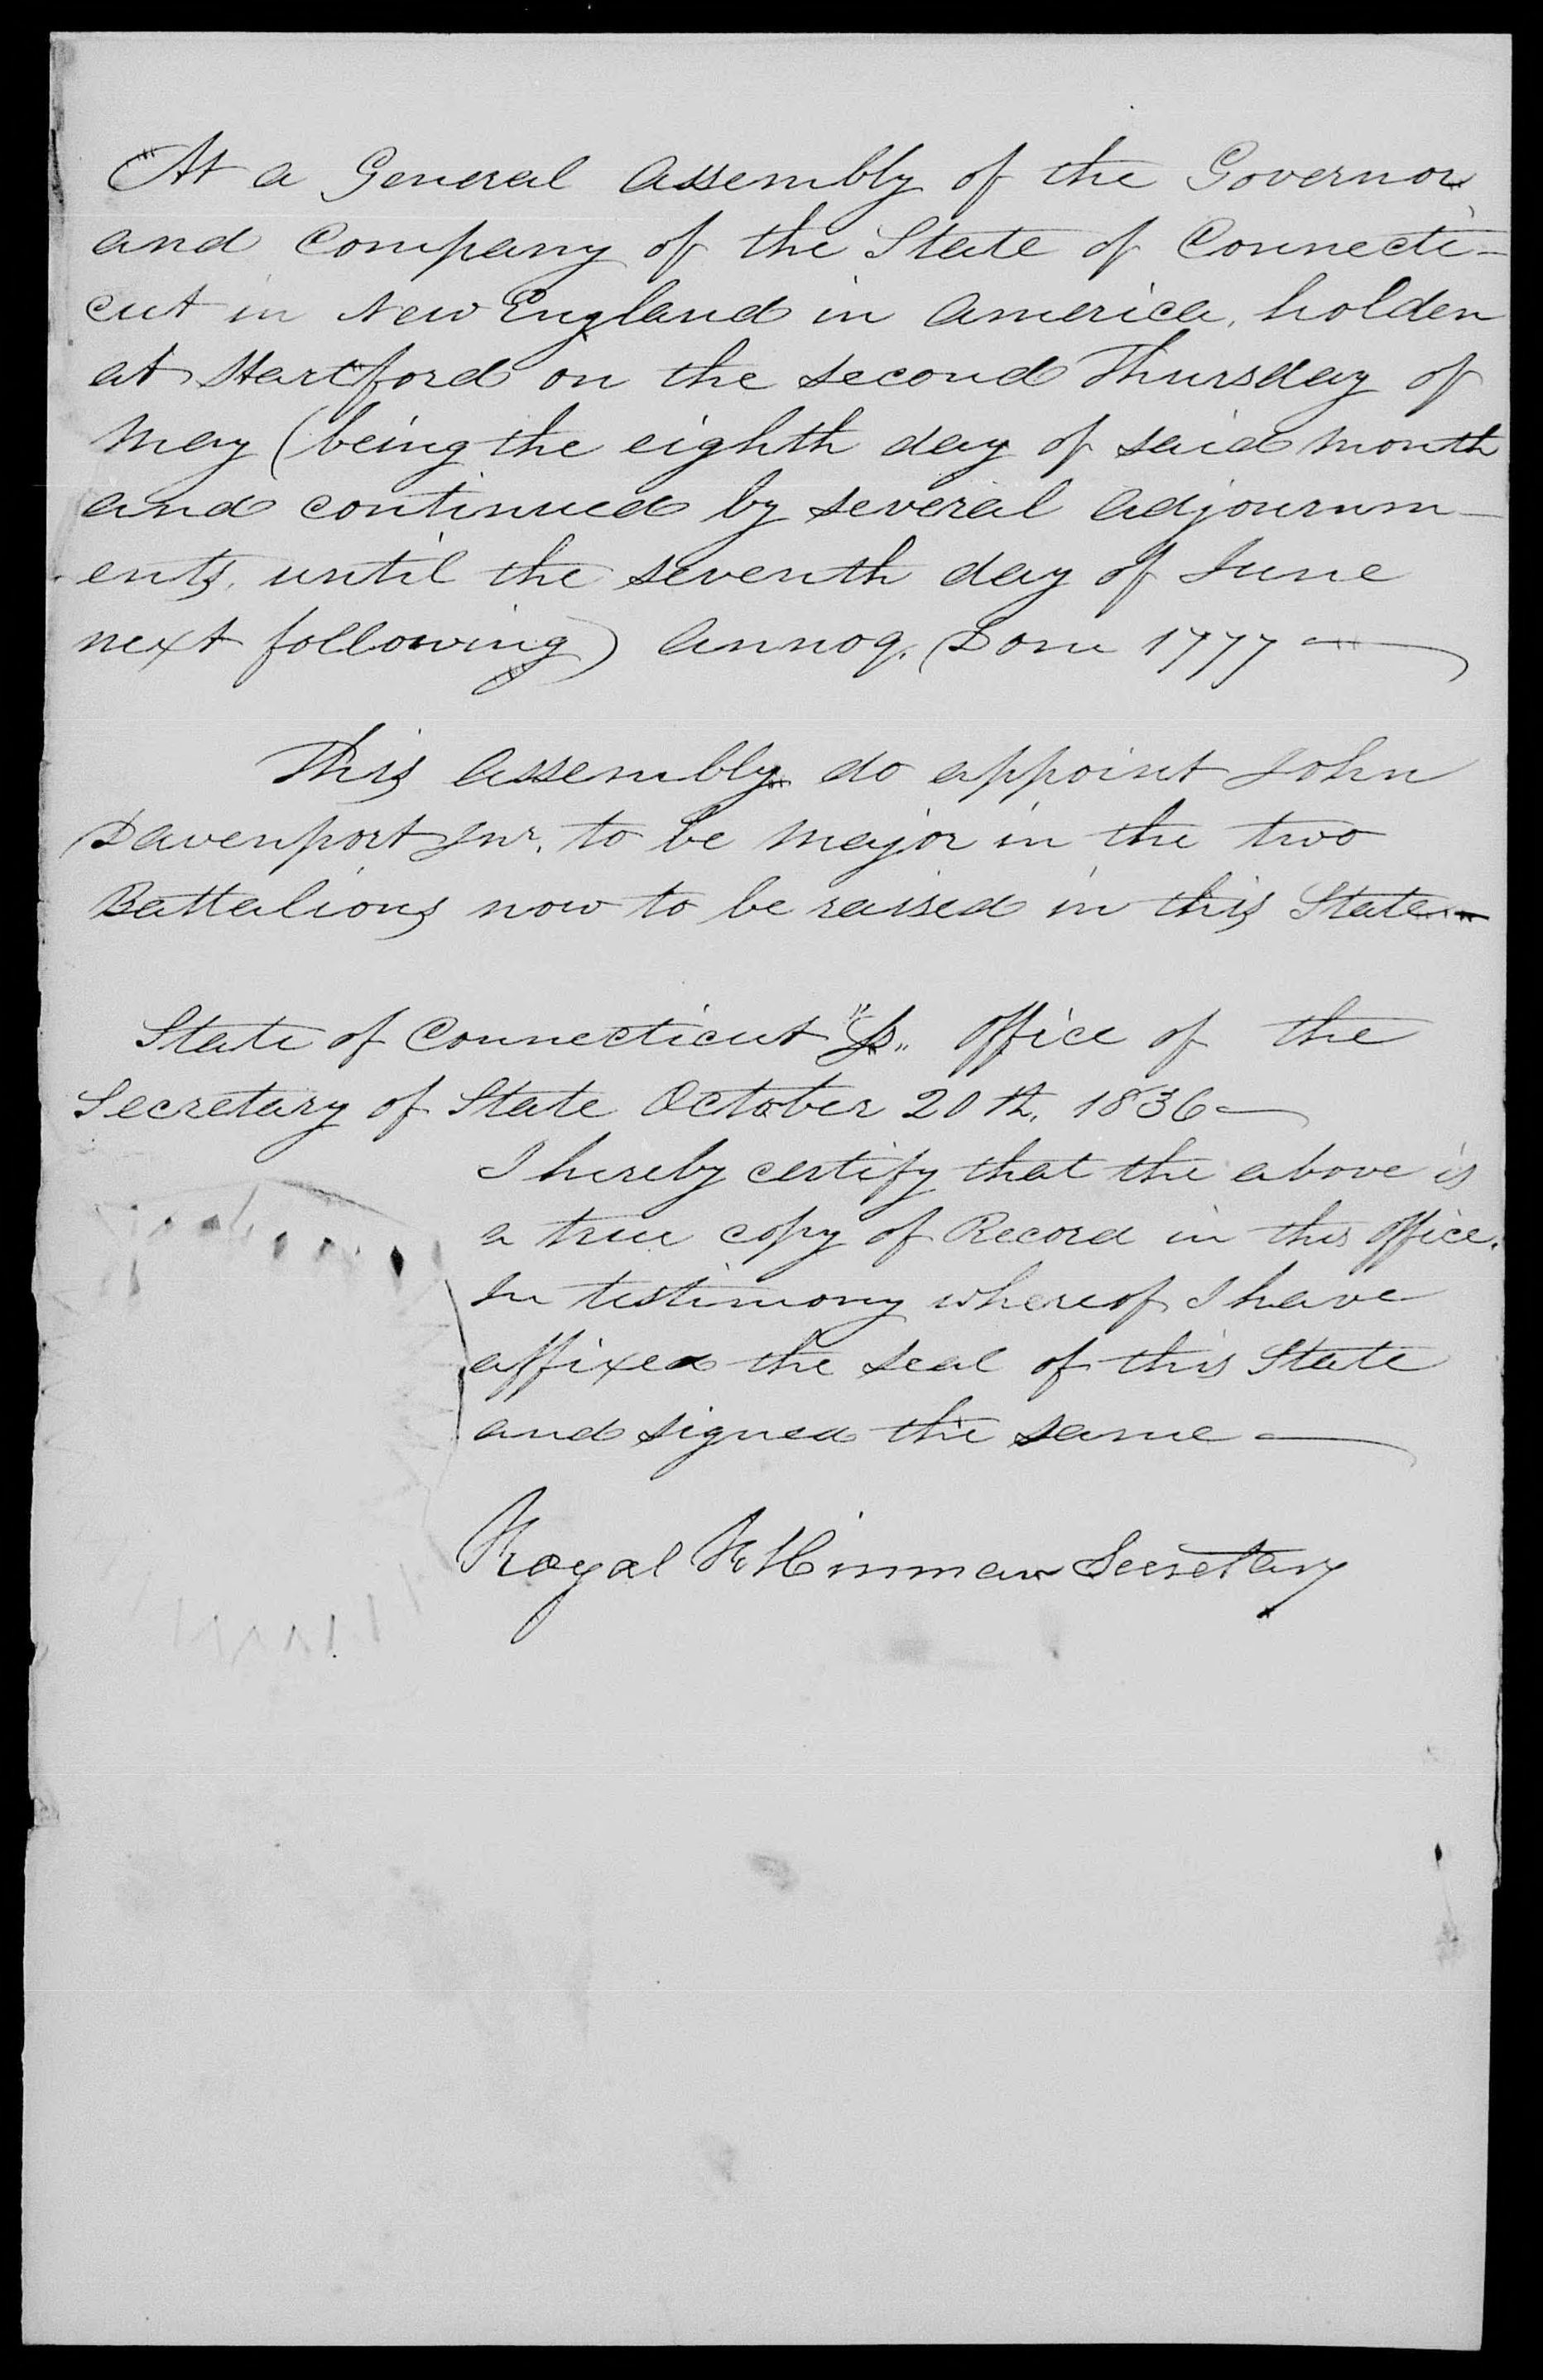At a General Assembly of the Governor and company of the State of Connecticut in New England in America holden at Hartford on the second Thursday of May (being the eighth day of said month and continued by several adjournments until the seventh day of June next following) Anno Dom 1777--

This Assembly do appoint John Davenport Jnr to be major in the two Battalions now to be raised in this State

State of Connecticut office of the Secretary of State October 20th, 1836
I hereby certify that the above is a true copy of Record in this office 
In testimony whereof I have affixed the seal of this State and signed the same-
[seal]
Royal R. Hinman Secretary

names: John Davenport, Royal R Hinman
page: 11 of 15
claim: widow's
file: W 17711, John Davenport, Conn.